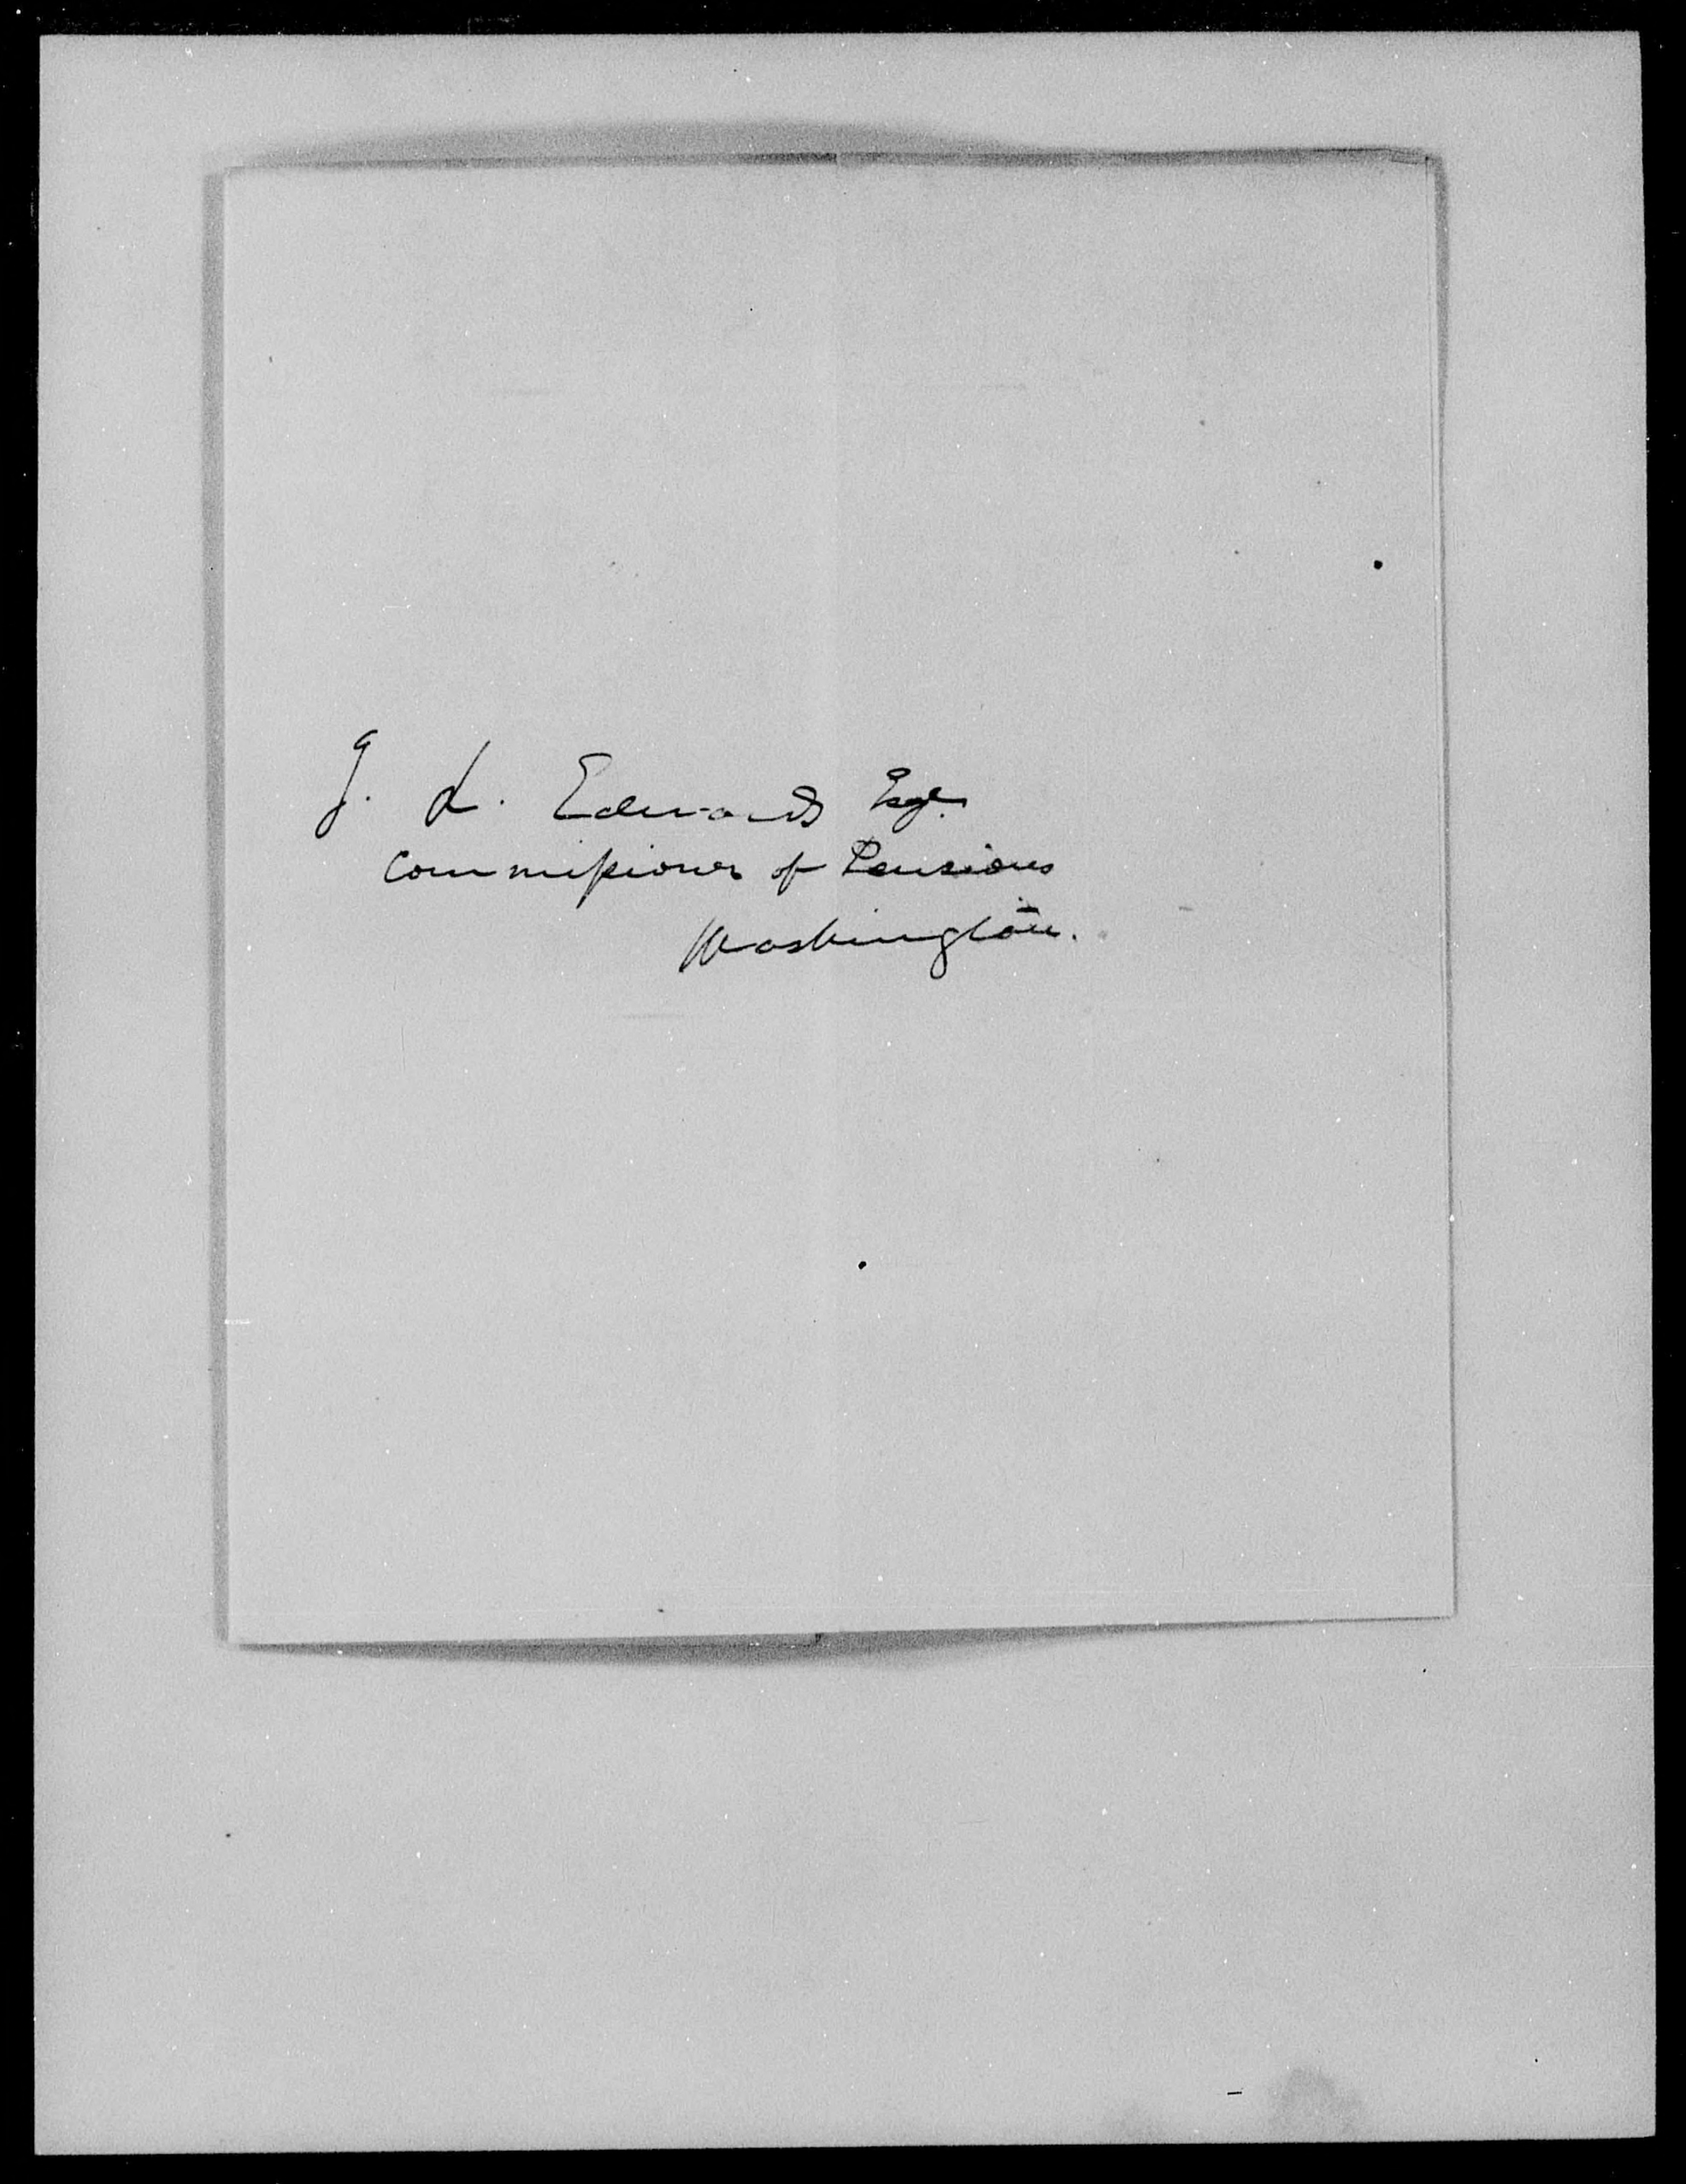J.D. Edwards, Esq.
Commissioner of Pensions
Washington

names: J L Edwards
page: 14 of 25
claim: survivor's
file: S. 38109, for Thomas Keates, Maryland